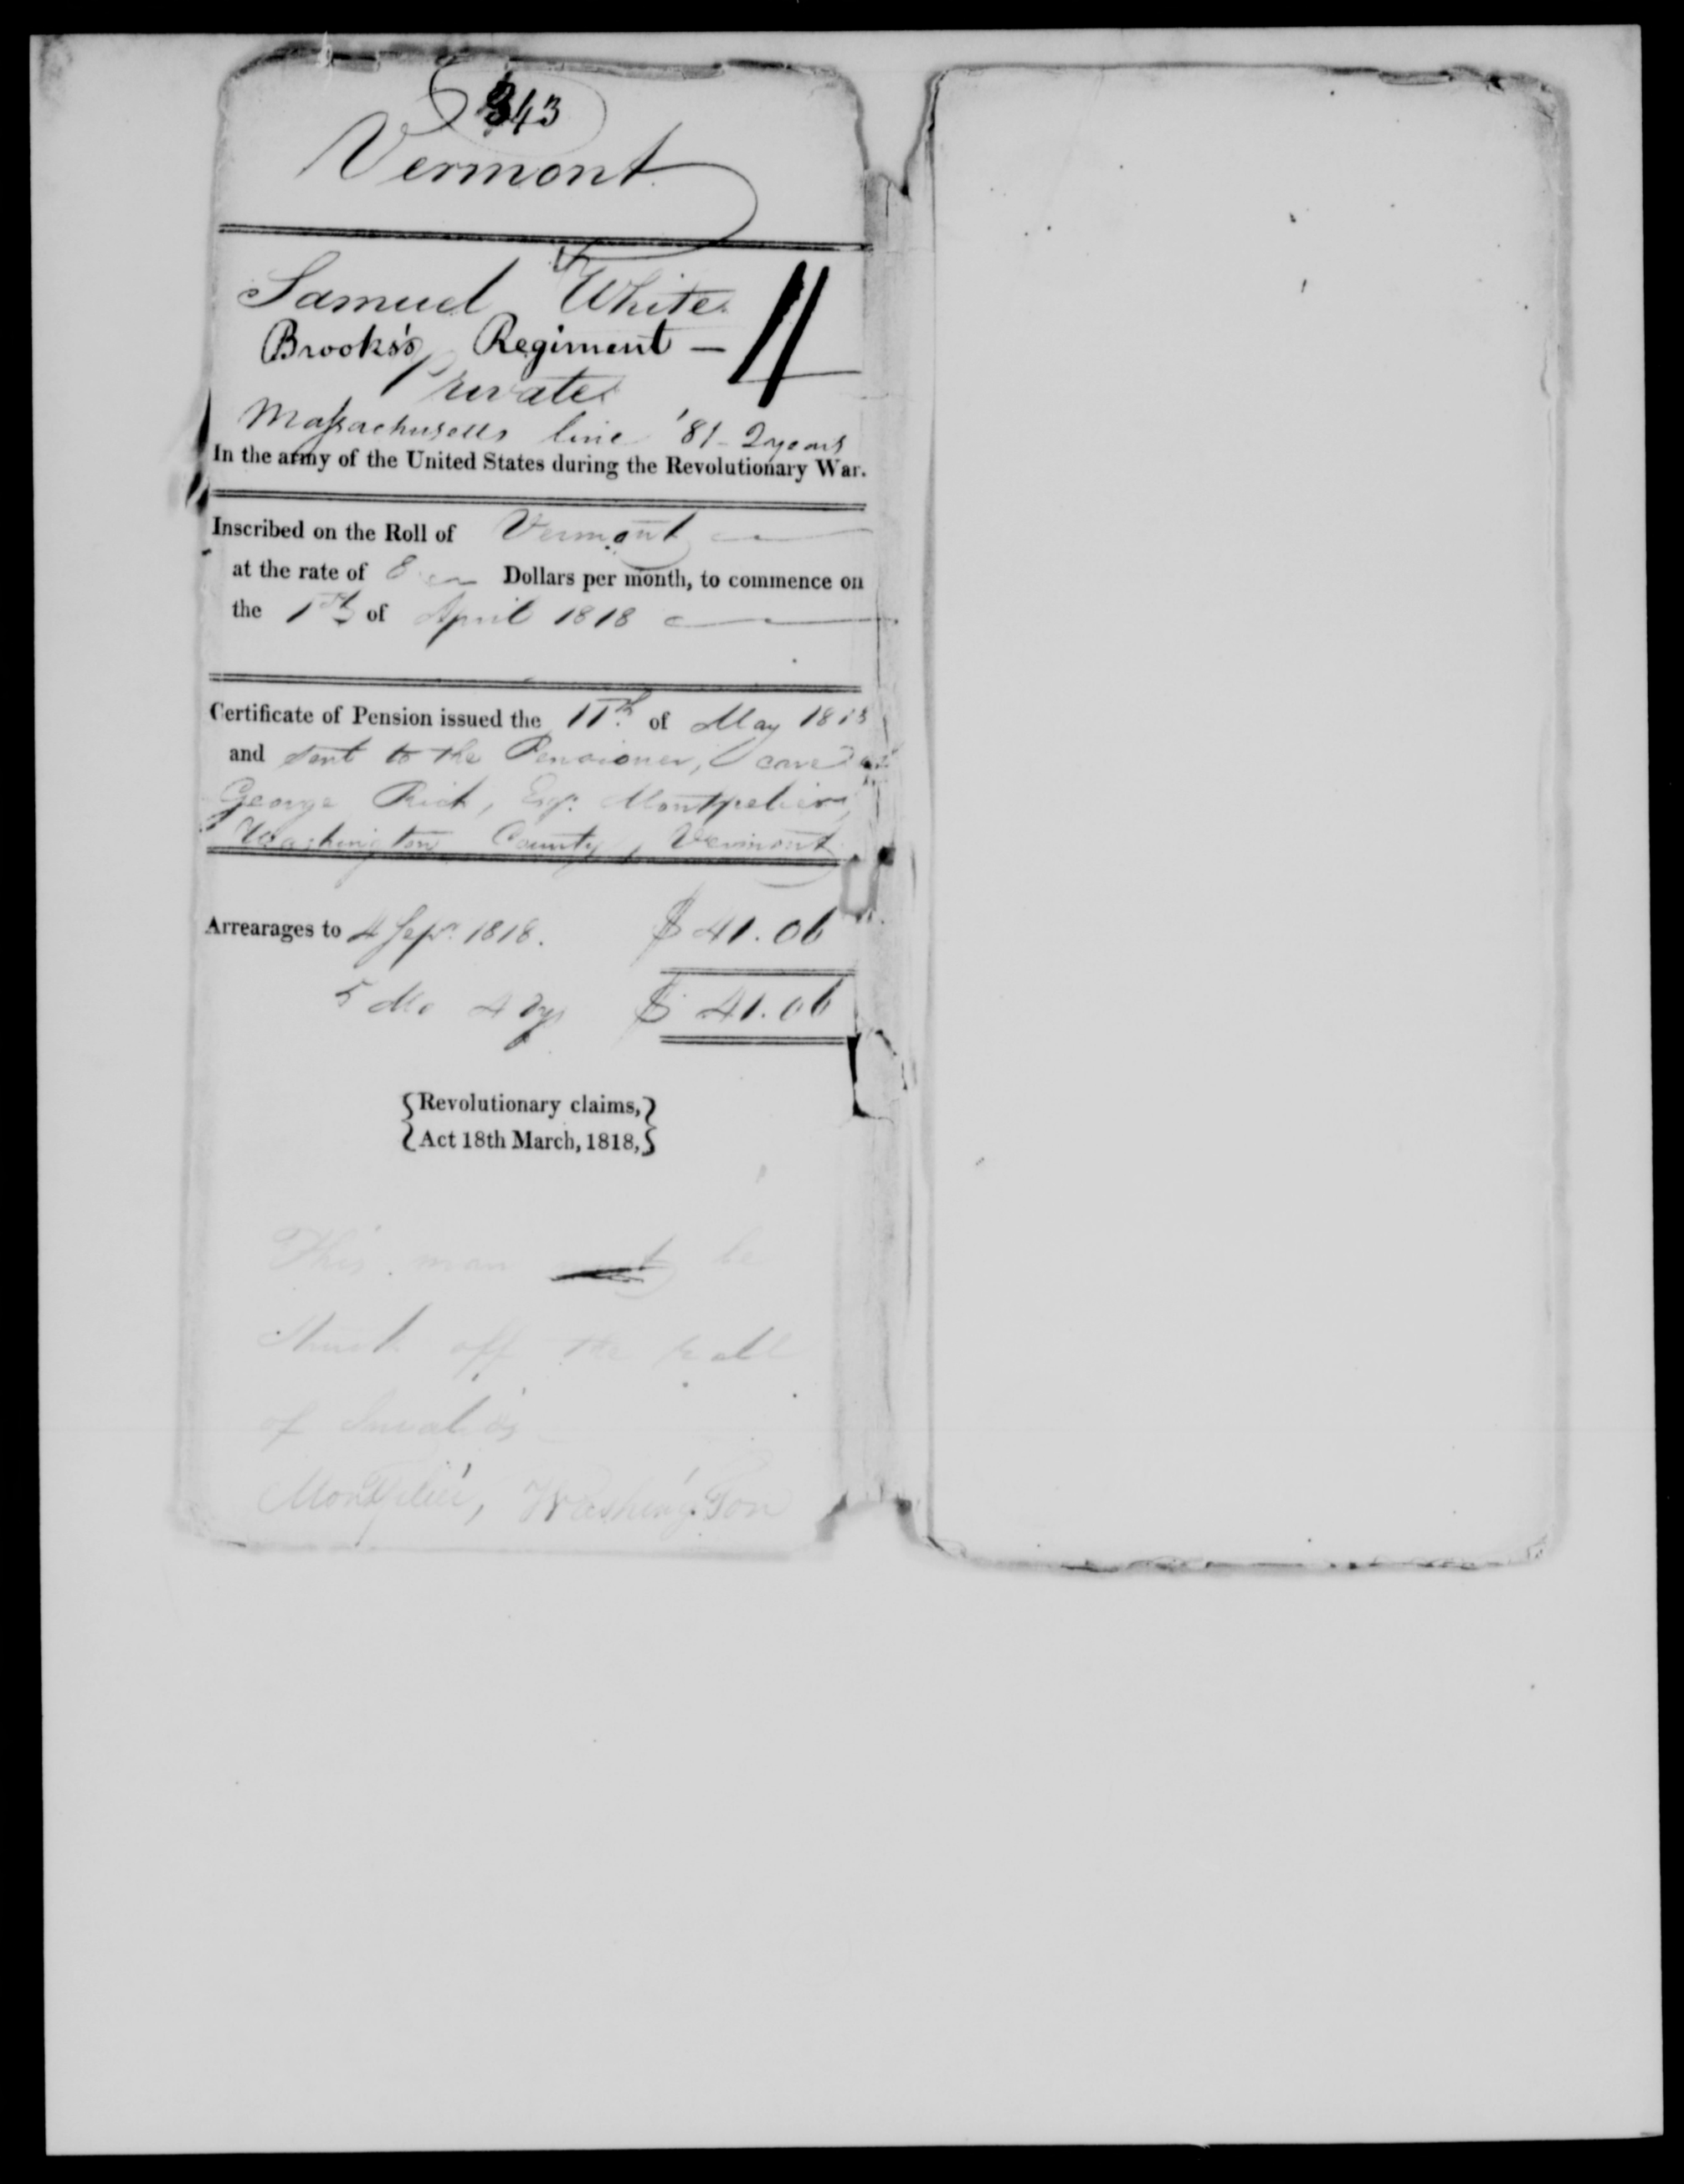843
Vermont
Samuel White
Brook's Regiment-Private              4
Massachusetts line '81 2 years
In the Army of the United States during the Revolutionary War

Inscribed on the Roll of Vermont
at the rate of 8 Dollars per month, to commence on the 1st of April 1818

Certificate of Pension issued the 11th of May 1818 and sent to the Pensioner car of George Rich, Esqr. Montpelier, Washington County, Vermont

Arrearages to 4 Sept. 1818  $41.06
5 Mo 4 days  $41.06

{Revolutionary claims}
{Act 18th March, 1818}

This man must be struck off the roll of Invalids
Montpelier, Washington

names: George Rich, Samuel White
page: 2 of 79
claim: survivor's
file: S. 11759, Samuel White, Mass.